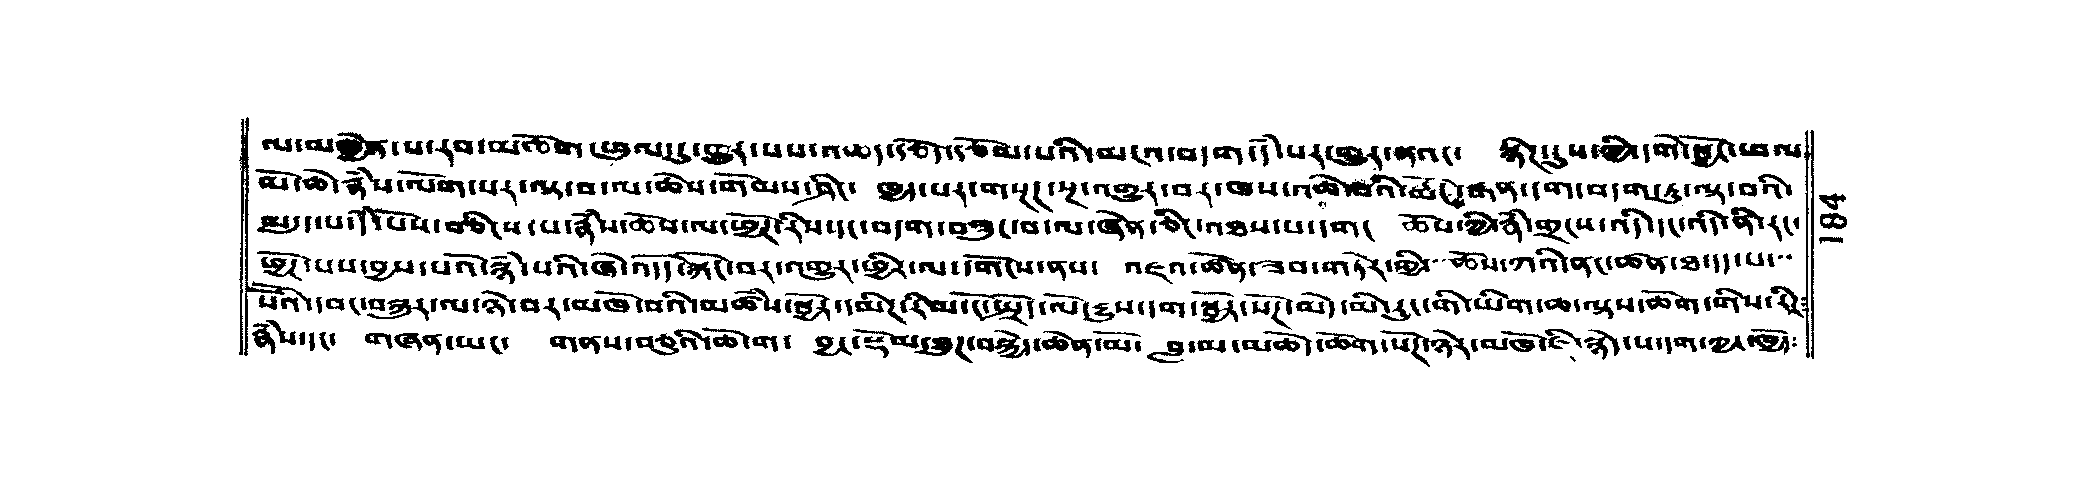ལ་མཁྱེན་པ་རབ་མཆོག་ཕུལ་དུ་གྱུར་པས་འཆད་རྩོད་རྩོམ་པའི་མངའ་བདག་དམ་པར་གྱུར་ནའང་། སྙིགས་དུས་ཀྱི་དགེ་སྦྱོང་ཕལ་
མོ་ཆེ་རྣམས་ལོག་པར་ལྟ་བ་ལ་ཆེས་གོམས་ཤིང་། ཁྱད་པར་གསང་སྔགས་སྔ་འགྱུར་བར་ཁས་འཆེ་བའི་རྨོངས་རྒན་དག་བདག་ཏུ་ལྟ་བའི་
མུན་པ་དམ་པོས་བཅིངས་པ་རྣམས་ཆོས་ལ་ཕྱོགས་རིས་དང་བདག་བཟུང་བ་ལ་ཞེན་ཅིང་འཐས་པ་དག ཆོས་ཀྱི་རྣམ་གྲངས་འདི་དང་འདི་ནི་རང་
ཕྱོགས་པས་བྱས་པའོ་སྙམ་པའི་ཞེ་འདོད་སྐོང་བར་འགྱུར་ཕྱིར་ལ་དགོངས་ནས།འཇའ་ཚོན་ཟབ་གཏེར་གྱི་ཆོས་ཀའི་ནང་ཚན་ཐ་དད་པ་
སོ་སོའི་དབང་བསྐུར་ལ་ཉེ་བར་མཁོ་བའི་མཚམས་སྦྱོར་དམིགས་རིམ་ངོ་སྤྲོད་ལོ་རྒྱུས་དག་སྦྱོར་སོགས་མེད་མི་རུང་གི་ཡིག་ཆ་ལྟས་ཆོག་གིས་རིགས་
རྣམས་དང་། གཞན་ཡང་། གནས་བཅུའི་ཆོ་ག བྱང་སྡོམ་ཐུགས་བསྐྱེད་ཆེན་མོ། བླ་མ་མཆོད་ཆོག་སོགས་ཉེར་མཁོ་ཇི་སྙེད་པ་དག་ཀྱང་ཁྱོད་